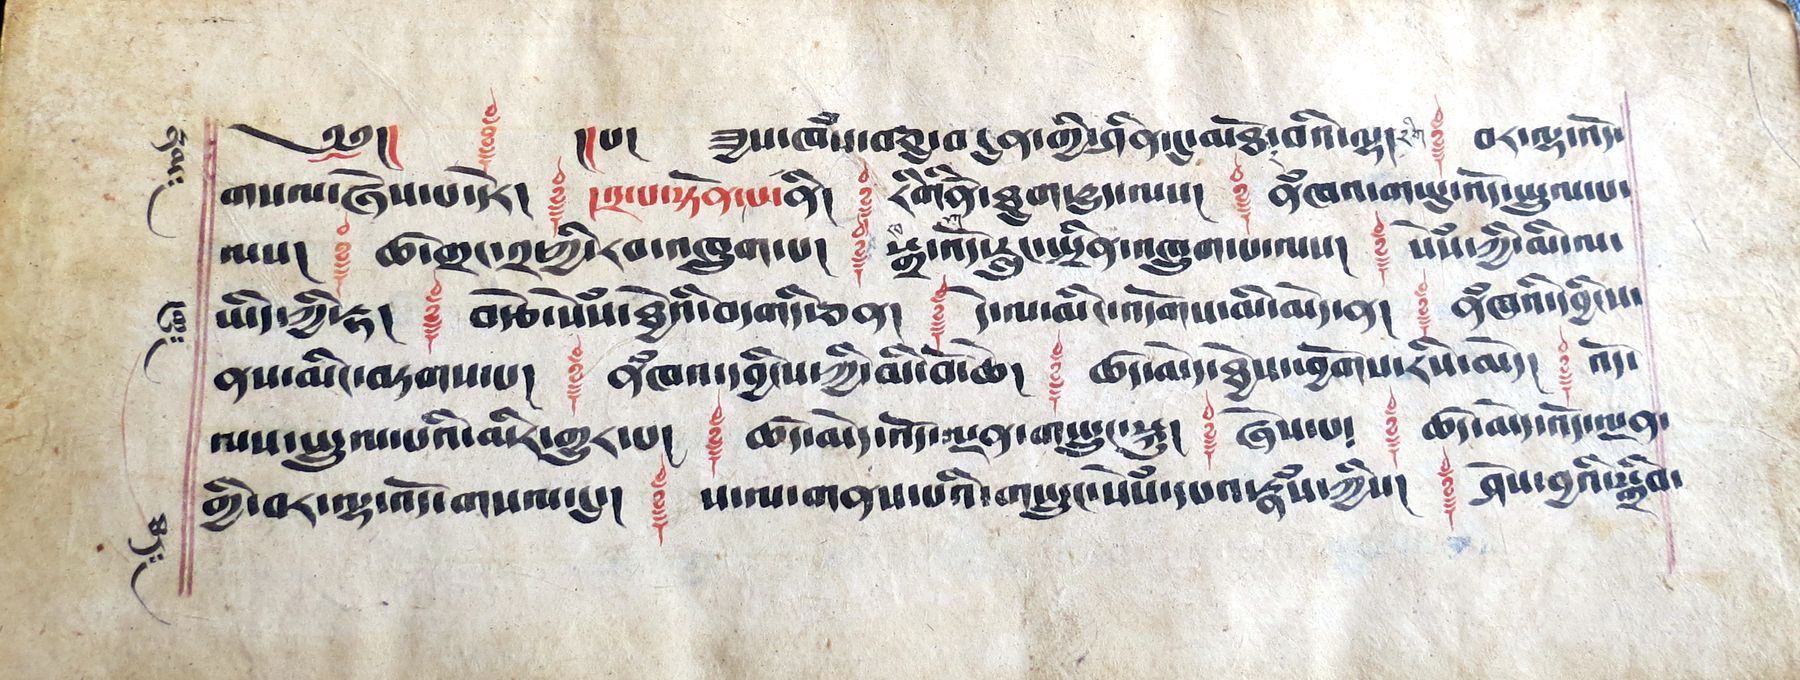པ་གཟུགས་ཁམས་བཅུ་བདུན་གྱི་ཤིན་ཏུ་མཐོང་བའི་ལྷ། བར་ལྷ་འོད་
གསལ་ཞེས་བྱ་བ་དེར། གཉིས་པ་སྟོན་པ་ནི། རིག་འཛིན་ཐུགས་རྒྱུད་ལས། ནམ་མཁའ་གཡུ་འོད་སྤྲུལ་པ་
ལས། ། ཚ་གྲང་གཉིས་ཀྱིས་རབ་འཁྲུགས་པ། ། འོད་སྒྲ་རླུང་སྤྲིན་འཁྲུགས་པ་ལས། ། སེམས་ཀྱི་མི་ལ་
ཡིད་ཀྱི་རྟ། ། བརྩེ་སེམས་ཐུགས་རྗེའི་བདག་ཉིད་ཅན། ། དེ་ལ་མིང་འདོགས་མི་མེད་ནས། ། ནམ་མཁའི་དབྱིངས་
ནས་མིང་བཏགས་པ། ། ནམ་མཁའ་དབྱིངས་ཀྱི་མི་བོ་ཆེ། ། ཚད་མེད་ཐུགས་རྗེ་ཕྱོགས་རིས་མེད། ། འོད་
ལས་སྤྲུལ་པའི་མིར་གྱུར་པ། ། ཚད་མེད་འོད་ལྡན་གཡུང་དྲུང་སྐུ། ཞེས་པ། ཚད་མེད་འོད་ལྡན་
གྱིས་བར་ལྷ་འོད་གསལ་དུ། ས་ལ་གནས་པའི་གཡུང་དྲུང་སེམས་དཔའ་རྣམས་ཀྱིས། ཤེས་བྱའི་སྒྲིབ་